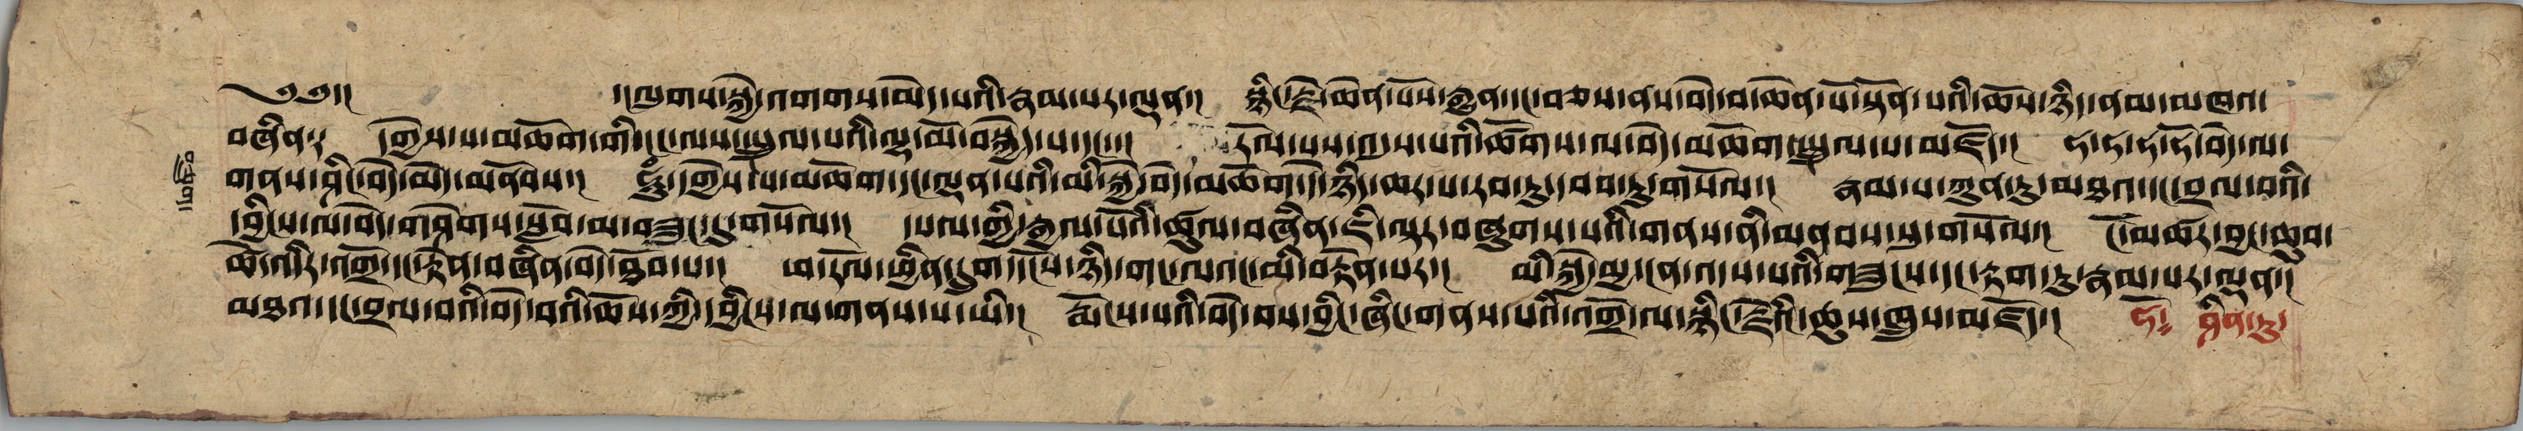༄༅་། ་།ལུགས་སྐྱེ་འགགས་མརད་པའི་རྣམ་པར་ལྡན་། སྙིང་རྗེ་ཆེན་པོས་རྒྱུན་དང་བཅས་ནས་བདེ་བ་ཆེན་པོ་སྟོན་པའི་ཆོས་ཉིད་ནམ་མཁའ་
བཞིན༑ དགྱེས་པ་མཆོག་གི་ངང་ལས་སྤྲུལ་པའི་ལྷ་མོ་བསྐྱེད་པ་དང་་། རོལ་སྲས་འདུས་པའིཚོགས་ལ་བདེ་མཆོག་སྤྲུལ་པ་མཛོད་། ཧ་ཧ་ཧ་ཧོ་བདེ་ལ་
གནས་ཤིང་བདེ་མེད་མནོབས་། ཧཱུཾ་དགྱེས་པ་མཆོག་དང་ལྡན་པའི་མི་སྐྱེ་བདེ་མཆོག་དེ་ཉིད་ཆར་པ་རབ་ཏུ་དབབ་ཏུ་གསོལ་། རྣམ་པ་ཀུན་ཏུ་མཐའ་དང་བྲལ་བའི་
དབྱིངས་ལ་བདེ་གཤེགས་སློབ་མ་བཟུང་དུ་གསོལ་། དཔལ་གྱི་རྒྱལ་པོའི་ཚུལ་བཞིན་ཇི་ལྟར་བཞུགས་པའི་གནས་ནི་མནབས་སུ་གསོལ་། ངོ་མཚར་བྱང་ཆུབ་
ཚེ་འདིར་འགྲོ་དང་རྟེན་བཞིན་བདེ་ཐོབ་པ་། ཕ་རོལ་ཕྱིན་དྲུག་དངོས་ཉིད་གང་ལའང་མི་བརྟེན་པར་། མི་སྐྱེ་མྱ་ངན་འདས་པའི་གཟུངས་དང་རྟག་ཏུ་རྣམ་པར་ལྡན་།
མཐའ་དང་བྲལ་བའི་བདེ་བའི་ཆོས་ཀྱི་དབྱིངས་ལ་གནས་པ་ཡི་། རྨོངས་པའི་བདེ་བས་བྱིང་ཞིང་གནས་པའི་འགྲོ་ལ་སྙིང་རྗེའི་ཆུས་ཁྲུས་མཛེད་། ཧོ༴ ཤིན་ཏུ་